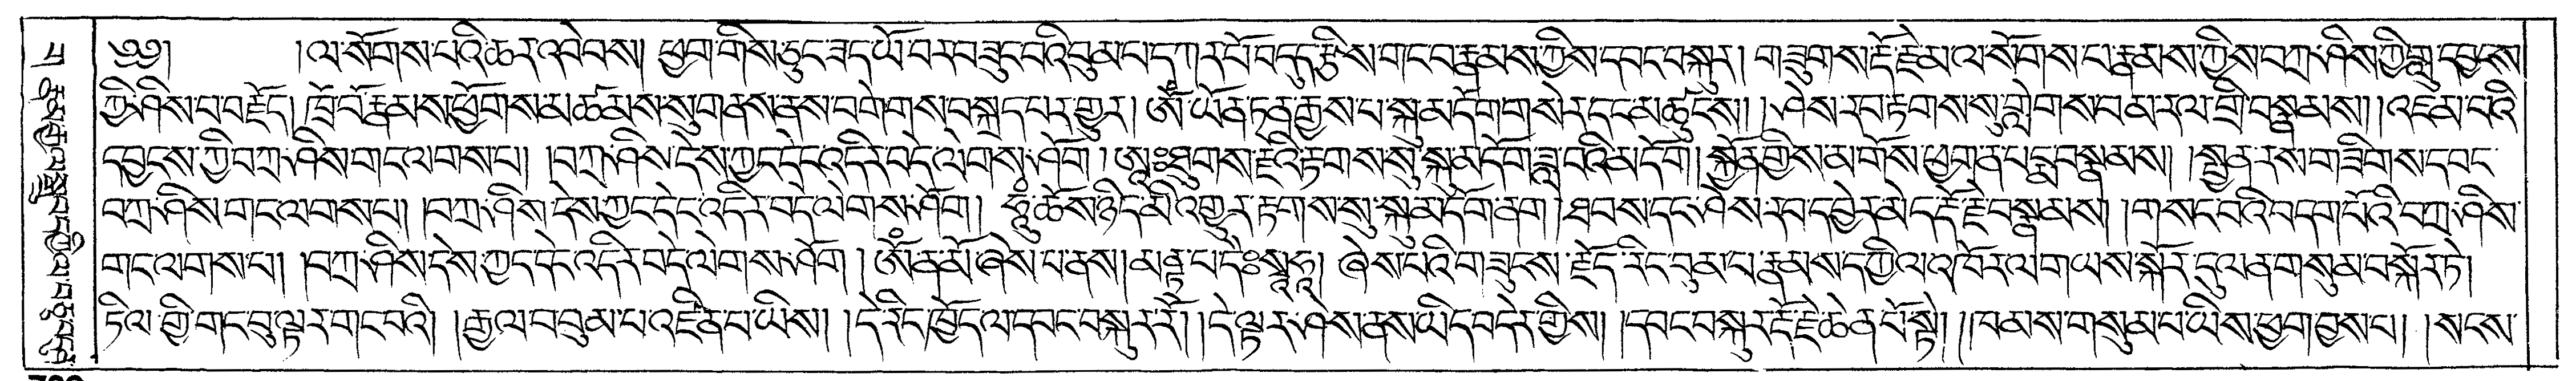༄༅། །ལ་སོགས་པའི་ཆར་འབེབས། ཕྱག་གིས་ཅུང་ཟད་ཡོ་བར་བཟུང་བའི་བུམ་པ་དཀར་པོ་བདུད་རྩིས་གང་བ་རྣམས་ཀྱིས་དབང་བསྐུར། གཟུགས་རྡོ་རྗེ་མ་ལ་སོགས་པ་རྣམས་ཀྱིས་བཀྲ་ཤིས་ཀྱི་གླུ་དབྱངས་
ཀྱི་ཤིས་པ་བརྗོད། ཁྲོ་བོ་རྣམས་ཕྱོགས་མཚམས་སུ་གནས་ནས་བགེགས་བསྐྲད་པར་གྱུར། ཨོཾ་ཡོན་ཏན་རྒྱས་པ་སྐུ་མདོག་གསེར་དང་མཚུངས། །ཤེས་རབ་རྟགས་སུ་གླེགས་བམ་རལ་གྲི་བསྣམས། །འཇམ་པའི་
དབྱངས་ཀྱི་བཀྲ་ཤིས་གང་ལགས་པ། །བཀྲ་ཤིས་དེས་ཀྱང་དེང་འདིར་བདེ་ལེགས་ཤོག །ཨཱཿ ཐུགས་རྗེའི་རྟགས་སུ་སྐུ་མདོག་ཟླ་བའི་མདོག །སྐྱོན་གྱིས་མ་གོས་ཕྱག་ན་པདམ་བསྣམས། །སྤྱན་རས་གཟིགས་དབང་
བཀྲ་ཤིས་གང་ལགས་པ། །བཀྲ་ཤིས་དེས་ཀྱང་དེང་འདིར་བདེ་ལེགས་ཤོག །ཧཱུཾ་ཆོས་ཉིད་མི་འགྱུར་རྟགས་སུ་སྐུ་མདོག་ནག །ཐབས་དང་ཤེས་རབ་དབྱེར་མེད་རྡོ་རྗེ་བསྣམས། །གསང་བའི་བདག་པོའི་བཀྲ་ཤིས་
གང་ལགས་པ། །བཀྲ་ཤིས་དེས་ཀྱང་དེང་འདིར་བདེ་ལེགས་ཤོག །ཨོཾ་ན་མོ་ཞེས་པ་ནས། མནྟ་པ་དཻཿ སྭཱཧཱ། ཞེས་པའི་གཟུངས་རྗོད་རིང་བུམ་པ་རྣམས་དཀྱིལ་འཁོར་ལ་གཡས་སྐོར་དུ་ལན་གསུམ་བསྐོར་ཏེ།
ཏིལ་གྱི་གང་བུ་ལྟར་གང་བའི། །རྒྱལ་བ་བུམ་པ་འཛིན་པ་ཡིས། །དེ་རིང་ཁྱོད་ལ་དབང་བསྐུར་རོ། །དེ་ལྟར་ཤེས་ནས་ཡིད་བདེར་གྱིས། །དབང་བསྐུར་རྡོ་རྗེ་ཆེན་པོ་སྟེ། །ཁམས་གསུམ་པ་ཡིས་ཕྱག་བྱས་པ། །སངས་